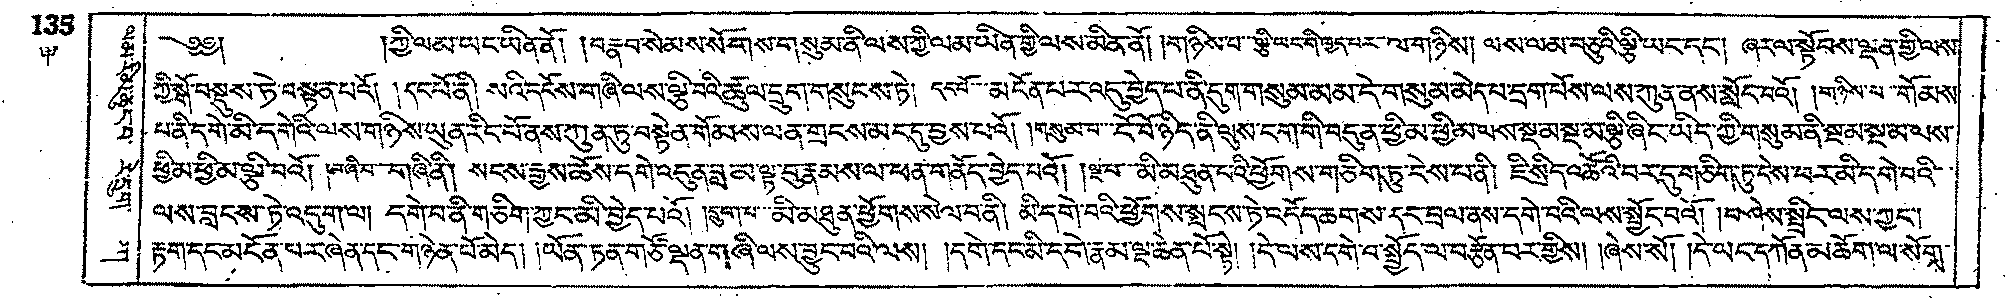༄༅། །ཀྱི་ལམ་ཡང་ཡིན་ནོ། །བརྣབ་སེམས་སོགས་གསུམ་ནི་ལས་ཀྱི་ལམ་ཡིན་གྱི་ལས་མིན་ནོ། །གཉིས་པལྕི་ཡང་གི་ཁྱད་པརལ་གཉིས། ལས་ལམ་བཅུའི་ལྕི་ཡང་དང་། ཞར་ལ་སྟོབས་ལྡན་གྱི་ལས་
ཀྱི་སྒོ་བསྡུས་ཏེ་བསྟན་པའོ། །དང་པོ་ནི། སའི་དངོས་གཞི་ལས་ལྕི་བའི་ཚུལ་དྲུག་གསུངས་ཏེ། དང་པོ་མངོན་པར་འདུ་བྱེད་པ་ནི་དུག་གསུམ་མམ་དེ་གསུམ་མེད་པ་དྲག་པོས་ལས་ཀུན་ནས་སློང་བའོ། །གཉིས་པགོམས་
པ་ནི་དགེ་མི་དགེའི་ལས་གཉིས་ཡུན་རིང་པོ་ནས་ཀུན་ཏུ་བསྟེན་གོམས་ལན་གྲངས་མང་དུ་བྱས་པའོ། །གསུམ་པངོ་བོ་ཉིད་ནི་ལུས་ངག་གི་བདུན་ཕྱི་མ་ཕྱི་མ་ལས་སྔ་མ་སྔ་མ་ལྕི་ཞིང་ཡིད་ཀྱི་གསུམ་ནི་སྔ་མ་སྔ་མ་ལས་
ཕྱི་མ་ཕྱི་མ་ལྕི་བའོ། །བཞི་པགཞི་ནི། སངས་རྒྱས་ཆོས་དགེ་འདུན་བླ་མ་ལྟ་བུ་རྣམས་ལ་ཕན་གནོད་བྱེད་པའོ། །ལྔ་པམི་མཐུན་པའི་ཕྱོགས་གཅིག་ཏུ་ངེས་པ་ནི། ཇི་སྲིད་འཚོའི་བར་དུ་གཅིག་ཏུ་ངེས་ཕར་མི་དགེ་བའི་
ལས་བླངས་ཏེ་འདུག་ལ། དགེ་བ་ནི་གཅིག་ཀྱང་མི་བྱེད་པའོ། །དྲུག་པམི་མཐུན་ཕྱོགས་སེལ་བ་ནི། མི་དགེ་བའི་ཕྱོགས་སྤངས་ཏེ་འདོད་ཆགས་དང་བྲལ་ནས་དགེ་བའི་ལས་སྤྱོང་བའོ། །བཤེས་སྤྲིང་ལས་ཀྱང་།
རྟག་དང་མངོན་པར་ཞེན་དང་གཉེན་པོ་མེད། །ཡོན་ཏན་གཙོ་ལྡན་གཞི་ལས་བྱུང་བའི་ལས། །དགེ་དང་མི་དགེ་རྣམ་ལྔ་ཆེན་པོ་སྟེ། །དེ་ལས་དགེ་བ་སྤྱོད་ལ་བརྩོན་པར་གྱིས། །ཞེས་སོ། །དེ་ཡང་དཀོན་མཆོག་ལ་སོགས་